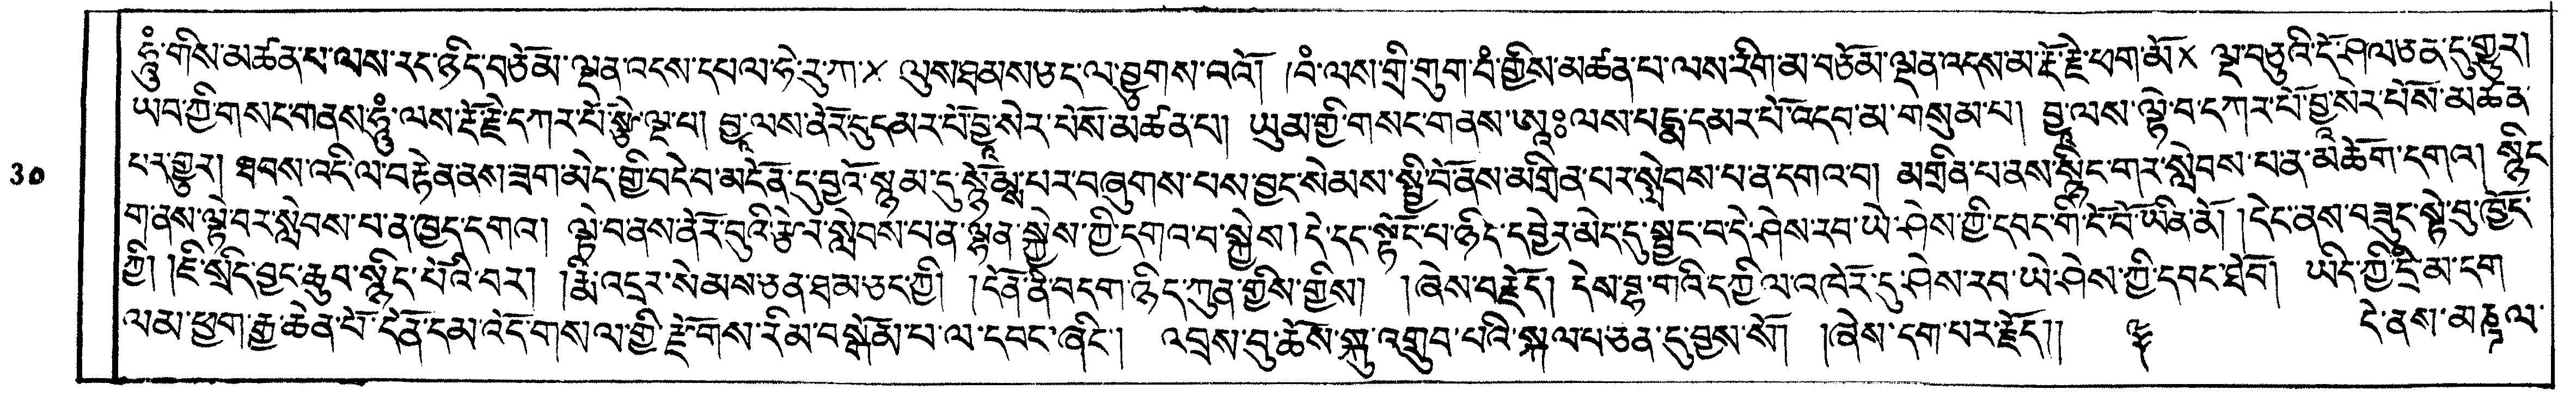ཧཱུཾ་གིས་མཚན་པ་ལས་རང་ཉིད་བཅོམ་ལྡན་འདས་དཔལ་ཧེ་རུ་ཀ྾་ལུས་ཐམས་ཅད་ལ་བྱུགས་པའོ། །བཾ་ལས་གྲི་གུག་བཾ་གྱིས་མཚན་པ་ལས་རིག་མ་བཅོམ་ལྡན་འདས་མ་རྡོ་རྗེ་ཕག་མོ྾་ལྔ་བཅུའི་དོ་ཤལ་ཅན་དུ་གྱུར།
ཡབ་ཀྱི་གསང་གནས་ཧཱུཾ་ལས་རྡོ་རྗེ་དཀར་པོ་སྩེ་ལྔ་པ། བྱཱ་ལས་ནོར་བུ་དམར་པོ་བྱཱ་སེར་པོས་མཚན་པ། ཡུམ་གྱི་གསང་གནས་ཨཱཿ ལས་པདམ་དམར་པོ་འདབ་མ་གསུམ་པ། བྱཱ་ལས་ལྟེ་བ་དཀར་པོ་བྱཱ་སེར་པོས་མཚན་
པར་གྱུར། ཐབས་འདི་ལ་བརྟེན་ནས་ཟག་མེད་གྱི་བདེ་བ་མངོན་དུ་བྱའོ་སྙམ་དུ་སྙོམས་པར་བཞུགས་པས་བྱང་སེམས་སྤྱི་བོ་ནས་མགྲིན་པར་སླེབས་པ་ན་དགའ་བ། མགྲིན་པ་ནས་སྙིང་གར་སླེབས་པ་ན་མཆོག་དགའ། སྙིང་
ག་ནས་ལྟེ་བར་སླེབས་པ་ན་ཁྱད་དགའ། ལྟེ་བ་ནས་ནོར་བུའི་རྩེར་སླེབས་པ་ན་ལྷན་སྐྱེས་ཀྱི་དགའ་བ་སྐྱེས། དེ་དང་སྟོང་པ་ཉིད་དབྱེར་མེད་དུ་སྦྱང་བ་དེ་ཤེས་རབ་ཡེ་ཤེས་ཀྱི་དབང་གི་ངོ་བོ་ཡིན་ནོ། །དེང་ནས་བཟུང་སྟེ་བུ་ཁྱོད་
ཀྱི། །ཇི་སྲིད་བྱང་ཆུབ་སྙིང་པོའི་བར། །རྨི་འདྲར་སེམས་ཅན་ཐམས་ཅད་ཀྱི། །དོན་ནི་བདག་ཉིད་ཀུན་གྱིས་གྱིས། །ཞེས་བརྗོད། དེས་བྷ་གའི་དཀྱིལ་འཁོར་དུ་ཤེས་རབ་ཡེ་ཤེས་ཀྱི་དབང་ཐོབ། ཡིད་ཀྱི་དྲི་མ་དག་
ལམ་ཕྱག་རྒྱ་ཆེན་པོ་དོན་དམ་འོད་གསལ་གྱི་རྫོགས་རིམ་བསྒོམ་པ་ལ་དབང་ཞིང་། འབྲས་བུ་ཆོས་སྐུ་འགྲུབ་པའི་སྐལ་པ་ཅན་དུ་བྱས་སོ། །ཞེས་དག་པར་རྗོད།། ༈ དེ་ནས་མཎྜལ་